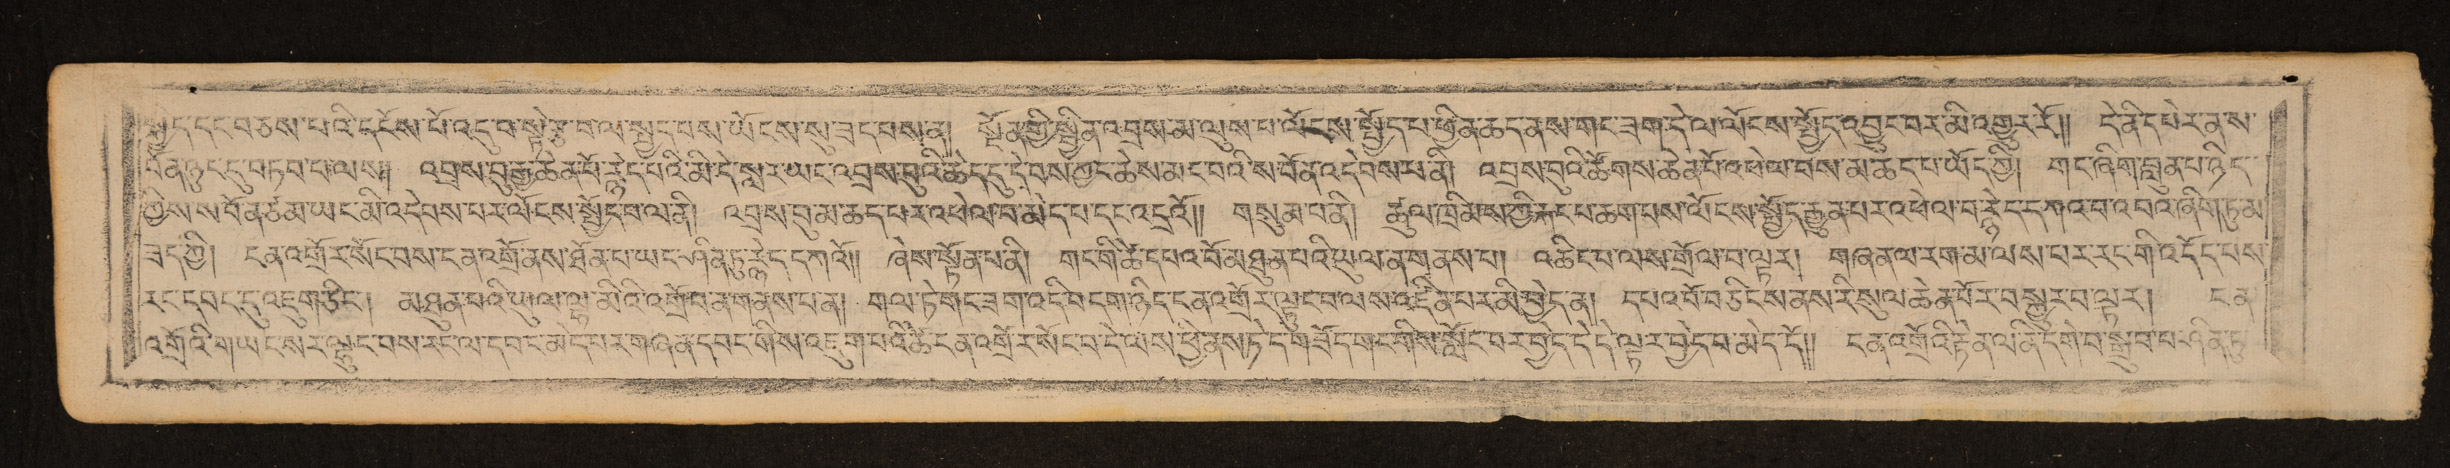སྐྱེད་དང་བཅས་པའི་དངོས་པོ་འདུ་བ་སྟེ་རྩ་བ་ལ་སྤྱད་པས་ཡོངས་སུ་ཟད་པས་ན། སྔོན་གྱི་སྦྱིན་འབྲས་མ་ལུས་པ་ལོངས་སྤྱོད་པ་ཕྱིན་ཆད་ནས་གང་ཟག་དེ་ལ་ལོངས་སྤྱོད་འབྱུང་བར་མི་འགྱུར་རོ།། དེ་ནི་དཔེར་ན་ས་
བོན་ཉུང་དུ་བཏབ་པ་ལས། འབྲས་བུ་རྒྱ་ཆེན་པོ་རྙེད་པའི་མི་དེ་སླར་ཡང་འབྲས་བུའི་ཆེད་དུ་དེ་བས་ཀྱང་ཆེས་མང་བའི་ས་བོན་འདེབས་པ་ནི། འབྲས་བུའི་ཚོགས་ཆེན་པོ་འཕེལ་བས་མ་ཆད་པ་ཡོད་ཀྱི། གང་ཞིག་བླུན་པོ་ཉིད་
ཀྱིས་ས་བོན་ཙམ་ཡང་མི་འདེབས་པར་ལོངས་སྤྱོད་པ་ལ་ནི། འབྲས་བུ་མ་ཆད་པར་འཕེལ་བ་མེད་པ་དང་འདྲའོ།། གསུམ་པ་ནི། ཚུལ་ཁྲིམས་ཀྱི་རྐང་པ་ཆག་པས་ལོངས་སྤྱོད་རྒྱུན་པར་འཕེལ་བ་རྙེད་དཀའ་བ་འབའ་ཞིག་ཏུ་མ་
ཟད་ཀྱི། ངན་འགྲོར་སོང་བས་ངན་འགྲོ་ནས་ཐོན་པ་ཡང་ཤིན་ཏུ་རྙེད་དཀའོ།། ཞེས་སྟོན་པ་ནི། གང་གི་ཚེ་དཔའ་བོ་མཐུན་པའི་ཡུལ་ན་གནས་པ། འཆིང་བ་ལས་གྲོལ་བ་ལྟར། གཞན་ལ་རག་མ་ལས་པར་རང་གི་འདོད་པས་
རང་དབང་དུ་འཇུག་ཅིང་། མཐུན་པའི་ཡུལ་ལྷ་མིའི་འགྲོ་བ་ན་གནས་པ་ན། གལ་ཏེ་གང་ཟག་འདི་བདག་ཉིད་ངན་འགྲོར་ལྟུང་བ་ལས་འཛིན་པར་མི་བྱེད་ན། དཔའ་བོ་བཅིངས་ནས་རི་སུལ་ཆེན་པོར་བསྐྱུར་བ་ལྟར། ངན་
འགྲོའི་གཡང་སར་ལྷུང་བས་རང་ལ་དབང་མེད་པར་གཞན་དབང་གིས་འཇུག་པའི་ཚེ་ངན་འགྲོར་སོང་བ་དེ་ལས་ཕྱི་ནས་ཏེ་དེ་གཟོད་གང་གིས་སློང་བར་བྱེད་དེ་དེ་ལྟར་བྱེད་པ་མེད་དོ།། ངན་འགྲོའི་རྟེན་ལ་ནི་དགེ་བ་སྒྲུབ་པ་ཤིན་ཏུ་